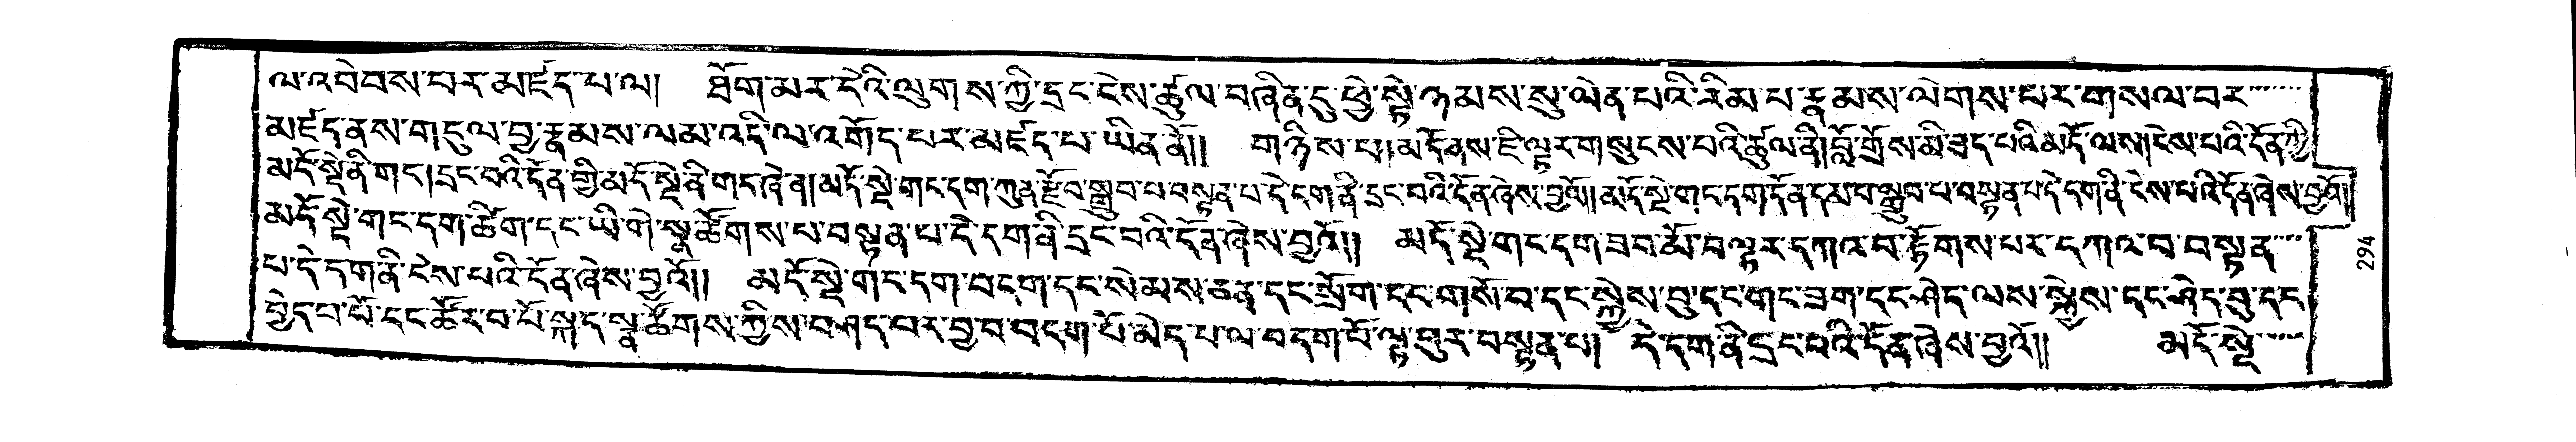ལ་འབེབས་པར་མཛད་པ་ལ། ཐོག་མར་དེའི་ལུགས་ཀྱི་དྲང་ངེས་ཚུལ་བཞིན་དུ་ཕྱེ་སྟེ་ཉམས་སུ་ལེན་པའི་རིམ་པ་རྣམས་ལེགས་པར་གསལ་བར་
མཛད་ནས་གདུལ་བྱ་རྣམས་ལམ་འདི་ལ་འགོད་པར་མཛད་པ་ཡིན་ནོ། །གཉིས་པ། མདོ་ནས་ཇི་ལྟར་གསུངས་པའི་ཚུལ་ནི། བློ་གྲོས་མི་ཟད་པའི་མདོ་ལས། ངེས་པའི་དོན་གྱི་
མདོ་སྡེ་ནི་གང་། དྲང་བའི་དོན་གྱི་མདོ་སྡེ་ནི་གང་ཞེ་ན། མདོ་སྡེ་གང་དག་ཀུན་རྫོབ་སྒྲུབ་པ་བསྟན་པ་དེ་དག་ནི་དྲང་བའི་དོན་ཞེས་བྱའོ། །མདོ་སྡེ་གང་དག་དོན་དམ་པ་སྒྲུབ་པ་བསྟན་པ་དེ་དག་ནི་ངེས་པའི་དོན་ཞེས་བྱའོ།
མདོ་སྡེ་གང་དག་ཚིག་དང་ཡི་གེ་སྣ་ཚོགས་པ་བསྟན་པ་དེ་དག་ནི་དྲང་བའི་དོན་ཞེས་བྱའོ། །མདོ་སྡེ་གང་དག་ཟབ་མོ་བ་ལྟར་དཀའ་བ་རྟོགས་པར་དཀའ་བ་བསྟན་
པ་དེ་དག་ནི་ངེས་པའི་དོན་ཞེས་བྱའོ། །མདོ་སྡེ་གང་དག་བདག་དང་སེམས་ཅན་དང་སྲོག་དང་གསོ་བ་དང་སྐྱེས་བུ་དང་གང་ཟག་དང་ཤེད་ལས་སྐྱེས་དང་ཤེད་བུ་དང་
བྱེད་པ་པོ་དང་ཚོར་བ་པོ་སྐད་སྣ་ཚོགས་ཀྱིས་བཤད་པར་བྱ་བ་བདག་པོ་མེད་པ་ལ་བདག་པོ་ལྟ་བུར་བསྟན་པ། དེ་དག་ནི་དྲང་བའི་དོན་ཞེས་བྱའོ། །མདོ་སྡེ་